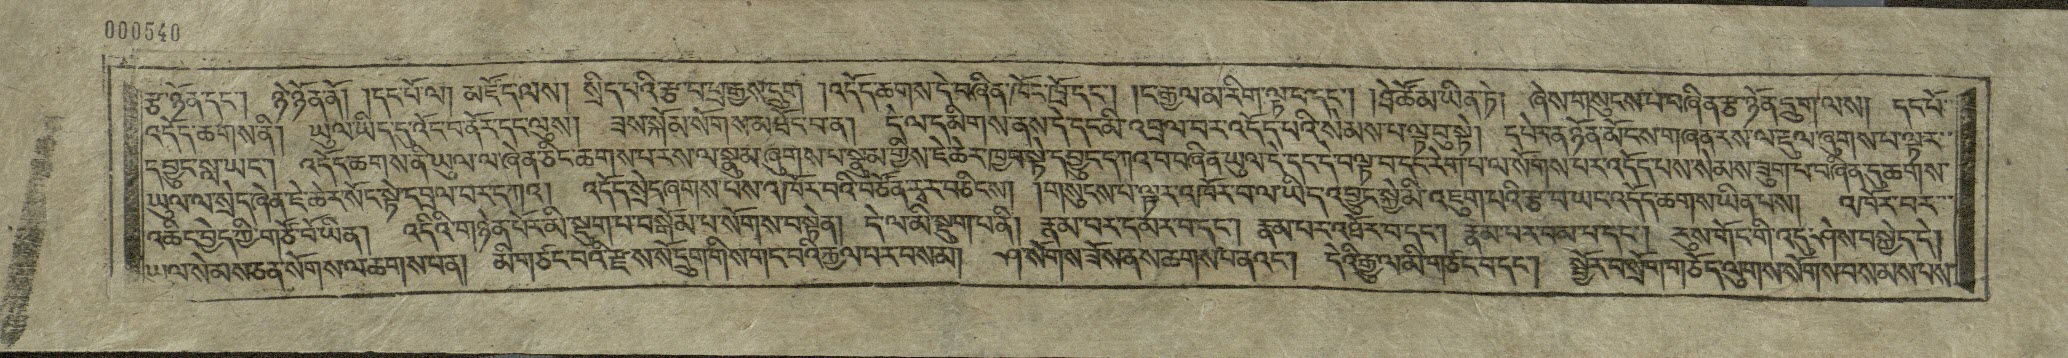རྩ་ཉོན་དང་། ཉེ་ཉོན་ནོ། །དང་པོ་ལ། མཛོད་ལས། སྲིད་པའི་རྩ་བ་ཕྲ་རྒྱས་དྲུག །འདོད་ཆགས་དེ་བཞིན་ཁོང་ཁྲོ་དང་། །ང་རྒྱལ་མ་རིག་ལྟ་བ་དང་། །ཐེ་ཚོམ་ཡིན་ཏེ། ཞེས་གསུངས་པ་བཞིན་རྩ་ཉོན་དྲུག་ལས། དང་པོ་
འདོད་ཆགས་ནི། ཡུལ་ཡིད་དུ་འོང་བ་ནོར་དང་ལུས། ཟས་སྐོམ་སོགས་མཐོང་བ་ན། དེ་ལ་དམིགས་ནས་དེ་དང་མི་འབྲལ་བར་འདོད་པའི་སེམས་པ་ལྟ་བུ་སྟེ། དཔེར་ན་ཉོན་མོངས་གཞན་རས་ལ་རྡུལ་ཞུགས་པ་ལྟར་
དབྱུང་སླ་ཡང་། འདོད་ཆགས་ནི་ཡུལ་ལ་ཞེན་ཅིང་ཆགས་པ་རས་ལ་སྣུམ་ཞུགས་པ་སྣུམ་གྱིས་ཇེ་ཆེར་ཁྱབ་སྟེ་དབྱུང་དཀའ་བ་བཞིན་ཡུལ་དེ་དང་དེ་བལྟ་བ་དང་རེག་པ་ལ་སོགས་པར་འདོད་པས་སེམས་ཟུག་པ་བཞིན་དུ་ཆགས་
ཡུལ་ལ་སྲེད་ཞེན་ཇེ་ཆེར་སོང་སྟེ་དབྲལ་བར་དཀའ། འདོད་སྲེད་ཞགས་པས་འཁོར་བའི་བཙོན་རྭར་བཅིངས། །གསུངས་པ་ལྟར་འཁོར་བ་ལ་ཡིད་འབྱུང་སྐྱེ་མི་འཇུག་པའི་རྩ་བ་ཡང་འདོད་ཆགས་ཡིན་པས། འཁོར་བར་
འཆིང་བྱེད་ཀྱི་གཙོ་བོ་ཡིན། འདིའི་གཉེན་པོར་མི་སྡུག་པ་བསྒོམ་པ་སོགས་བསྟེན། དེ་ལ་མི་སྡུག་པ་ནི། རྣམ་པར་དམར་བ་དང་། རྣམ་པར་འཐོར་བ་དང་། རྣམ་པར་བམ་པ་དང་། རུས་གོང་གི་འདུ་ཤེས་བསྐྱེད་དེ།
ཡུལ་སེམས་ཅན་སོགས་ལ་ཆགས་པ་ན། མི་གཙང་བའི་རྫས་སོ་དྲུག་གིས་གང་བའི་རྐྱལ་པར་བསམ། ཤ་སོགས་ཟོས་ནས་ཆགས་པ་ནའང་། དེའི་རྒྱུ་ལ་མི་གཙང་བ་དང་། སྦྱོར་བ་སྲོག་གཅོད་ལུགས་སོགས་བསམས་པས་